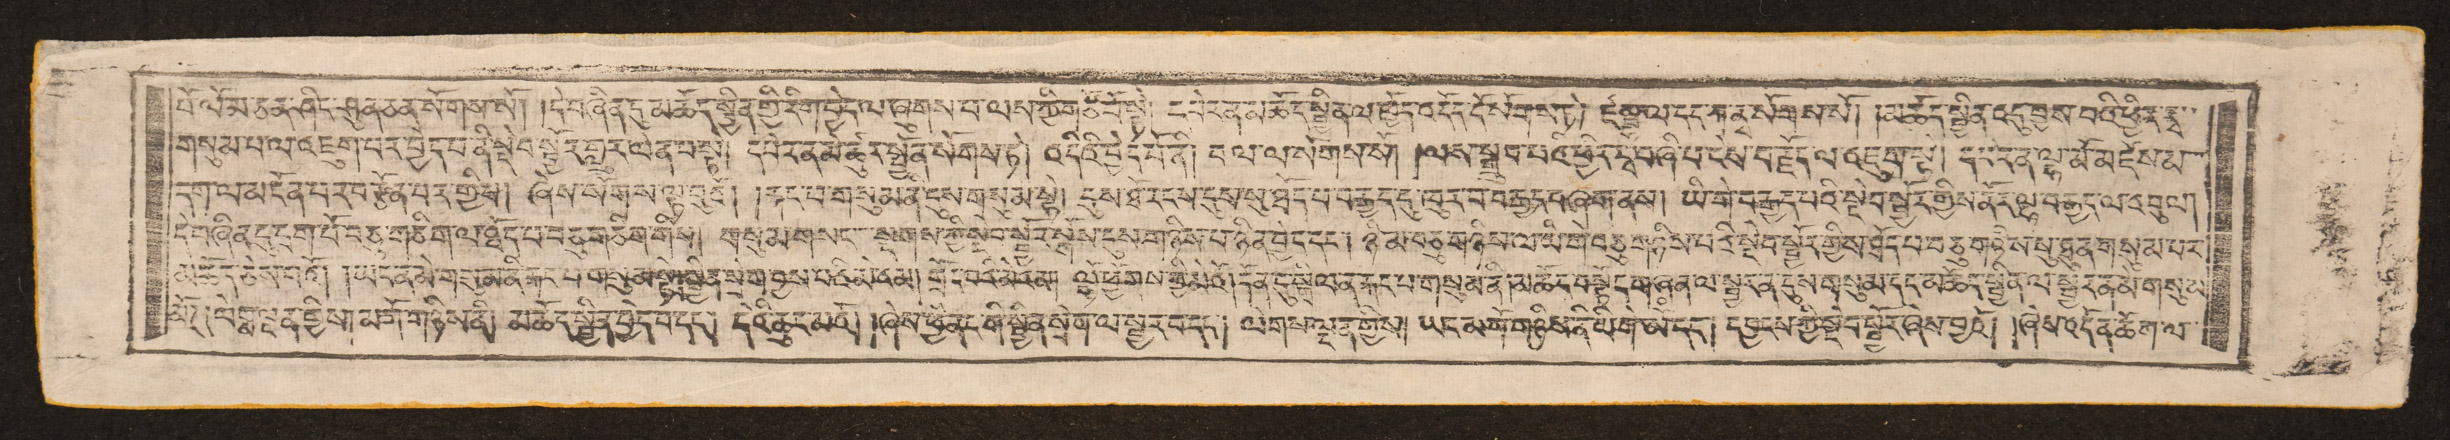པོ་ལོ་མ་ཅན་ཤིང་ཤུན་ཅན་སོགས་སོ། །དེ་བཞིན་དུ་མཆོད་སྦྱིན་གྱི་རིག་བྱེད་ལ་ཞུགས་པ་ལས་ཀྱི་གཙོ་བོ་སྟེ། དཔེར་ན་མཆོད་སྦྱིན་ལ་ཁྱོད་འདོད་དོ་སོགས་ཏེ། ཛམྦྷ་ལ་དང་ཀ་ནྭ་སོགས་སོ། །མཆོད་སྦྱིན་འདུ་བྱས་པའི་ཕྱིར་རྭ་
གསུམ་པ་ལ་འཇུག་པར་བྱེད་པ་ནི་སྡེབ་སྦྱོར་གླུར་ལེན་པ་སྟེ། དཔེར་ན་མེ་ཚུར་སྦྱོན་སོགས་ཏེ། འདིའི་བྱེད་པོ་ནི། བལ་ལ་སོགས་སོ། །ལས་སྒྲུབ་པའི་ཕྱིར་རྭ་བཞི་པ་ངེས་བརྗོད་ལ་འཇུག་སྟེ། དཔེར་ན་ལྷ་མོ་མཛེས་མ་
དག་ལ་མངོན་པར་བརྩོན་པར་གྱིས། ཞེས་སོགས་ལྟ་བུའོ། །རྐང་པ་གསུམ་ནི་དུས་གསུམ་སྟེ། དུས་ཐོ་རངས་དུས་སུ་ཐོད་པ་བརྒྱད་དུ་ཁུར་བ་བརྒྱད་བཞག་ནས། ཡི་གེ་བརྒྱད་པའི་སྡེབ་སྦྱོར་གྱིས་ནོར་ལྷ་བརྒྱད་ལ་འབུལ།
དེ་བཞིན་དུ་དྲག་པོ་བཅུ་གཅིག་ལ་ཐོད་པ་བཅུ་གཅིག་གིས། གསུམ་གསང་སྔགས་ཀྱི་སྡེབ་སྦྱོར་སྒོས་དུས་གཉིས་པ་ཉིན་བྱེད་དང་། ཉི་མ་བཅུ་གཉིས་ལ་ཡི་གེ་བཅུ་གཉིས་པའི་སྡེབ་སྦྱོར་གྱིས་ཐོད་པ་བཅུ་གཉིས་སུ་ཐུན་གསུམ་པར་
མཆོད་ཅེས་པའོ། །ཡང་ན་མེ་གསུམ་ནི་རྐང་པ་གསུམ་སྟེ། སྦྱིན་སྲེག་བྱས་པའི་མེ་འམ། གྲོང་བའི་མེའམ། ལྷོ་ཕྱོགས་ཀྱི་མེའོ། དོན་དུ་སྒྲིལ་ན་རྐང་པ་གསུམ་ནི། མཆོད་བསྟོད་གཞན་ལ་སྦྱར་ན་དུས་གསུམ་དང་མཆོད་སྦྱིན་ལ་སྦྱར་ན་མེ་གསུམ་
མོ༑ ༑ལེགས་ལྡན་གྱིས། མགོ་གཉིས་ནི། མཆོད་སྦྱིན་བྱེད་པ་དང་། དེའི་ཆུང་མའོ། །ཞེས་ཕྱི་ནང་གི་སྦྱིན་སྲེག་ལ་སྦྱར་བ་དང་། ལེགས་ལྡན་གྱིས། ཡང་མགོ་གཉིས་ནི་ཡི་གེ་ཨོཾ་དང་། དབྱངས་ཀྱི་སྡེབ་སྦྱོར་ཞེས་བྱའོ། །ཞེས་འདོན་ཆོག་ལ་